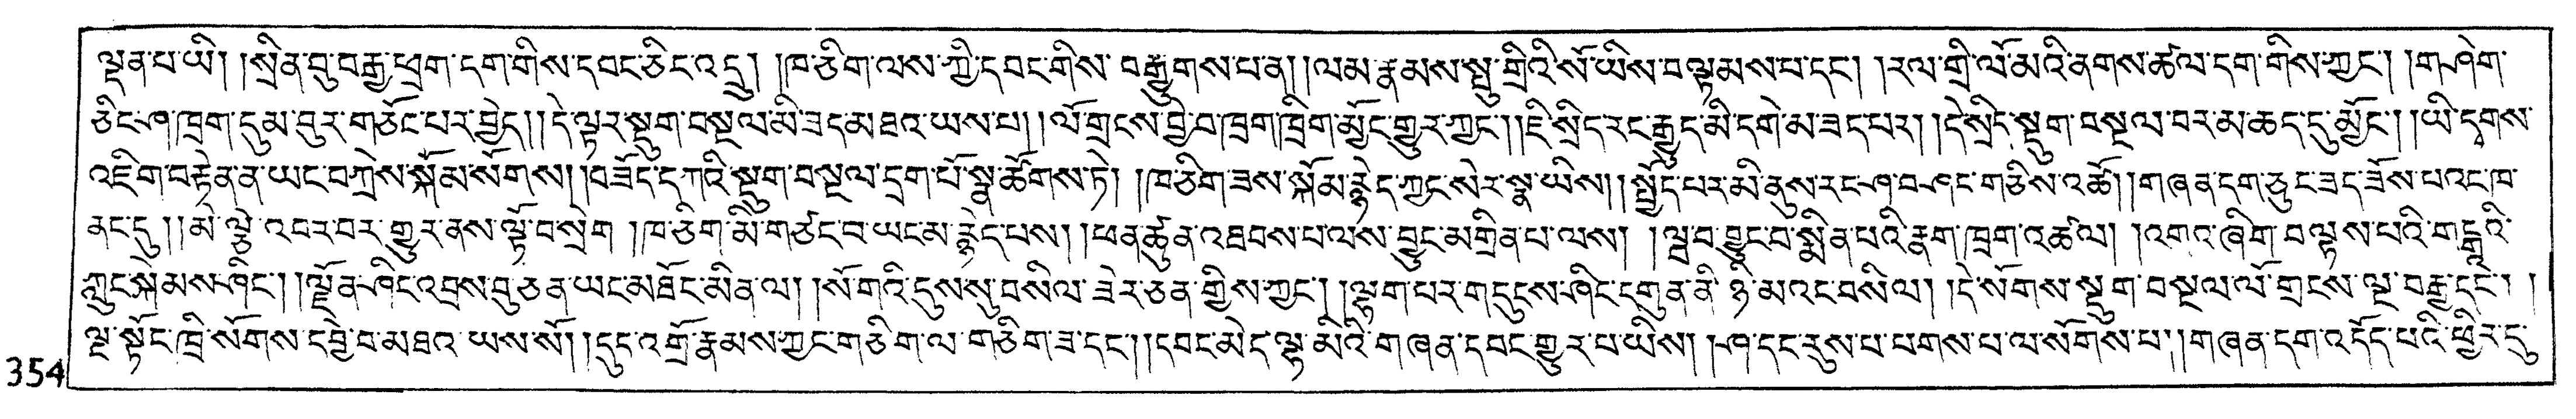ལྡན་པ་ཡི། །སྲིན་བུ་བརྒྱ་ཕྲག་དག་གིས་དབང་ཅིང་འདྲུ། །ཁ་ཅིག་ལས་ཀྱི་དབང་གིས་བརྒྱུགས་པ་ན། །ལམ་རྣམས་སྤུ་གྲིའི་སོ་ཡིས་བལྟམས་པ་དང་། །རལ་གྲི་ལོ་མའི་ནགས་ཚལ་དག་གིས་ཀྱང་། །གཤེག་
ཅིང་ཤ་ཁྲག་དུམ་བུར་གཅོད་པར་བྱེད། །དེ་ལྟར་སྡུག་བསྔལ་མི་ཟད་མཐའ་ཡས་པ། །ལོ་གྲངས་བྱེ་བ་ཁྲག་ཁྲིག་མྱོང་གྱུར་ཀྱང་། །ཇི་སྲིད་རང་རྒྱུད་མི་དགེ་མ་ཟད་པར། །དེ་སྲིད་སྡུག་བསྔལ་བར་མ་ཆད་དུ་མྱོང་། །ཡི་དྭགས་
འཇིག་བརྟེན་ན་ཡང་བཀྲེས་སྐོམ་སོགས། །བཟོད་དཀའི་སྡུག་བསྔལ་དྲག་པོ་སྣ་ཚོགས་ཏེ། །ཁ་ཅིག་ཟས་སྐོམ་རྙེད་ཀྱང་སེར་སྣ་ཡིས། །སྤྱོད་པར་མི་ནུས་རང་ཤ་བཤད་གཅིས་འཚོ། །གཞན་དག་ཅུང་ཟད་ཟོས་པའང་ཁ་
ནང་དུ། །མེ་ལྕེ་འབར་བར་གྱུར་ནས་ལྟོ་བ་སྲེག །ཁ་ཅིག་མི་གཙང་བ་ཡང་མ་རྙེད་པས། །ཕན་ཚུན་འཐབས་པ་ལས་བྱུང་མགྲིན་པ་ལས། །ལྦ་བ་བྱུང་བ་སྨིན་པའི་རྣག་ཁྲག་འཚལ། །འགའ་ཞིག་བལྟས་པའི་གངྒཱའི་
ཀླུང་སྐེམས་ཤིང་། །ལྗོན་ཤིང་འབྲས་བུ་ཅན་ཡང་མཐོང་མིན་ལ། །སོ་གའི་དུས་སུ་བསིལ་ཟེར་ཅན་གྱིས་ཀྱང་། །ལྷག་པར་གདུངས་ཤིང་དགུན་ནི་ཉི་མའང་བསིལ། །དེ་སོགས་སྡུག་བསྔལ་ལོ་གྲངས་ལྔ་བརྒྱ་དང་། །
ལྔ་སྟོང་ཁྲི་སོགས་དབྱེ་བ་མཐའ་ཡས་སོ། །དུད་འགྲོ་རྣམས་ཀྱང་གཅིག་ལ་གཅིག་ཟ་དང་། །དབང་མེད་ལྷ་མིའི་གཞན་དབང་གྱུར་པ་ཡིས། །ཤ་དང་རུས་པ་པགས་པ་ལ་སོགས་པ། །གཞན་དག་འདོད་པའི་ཕྱིར་དུ་